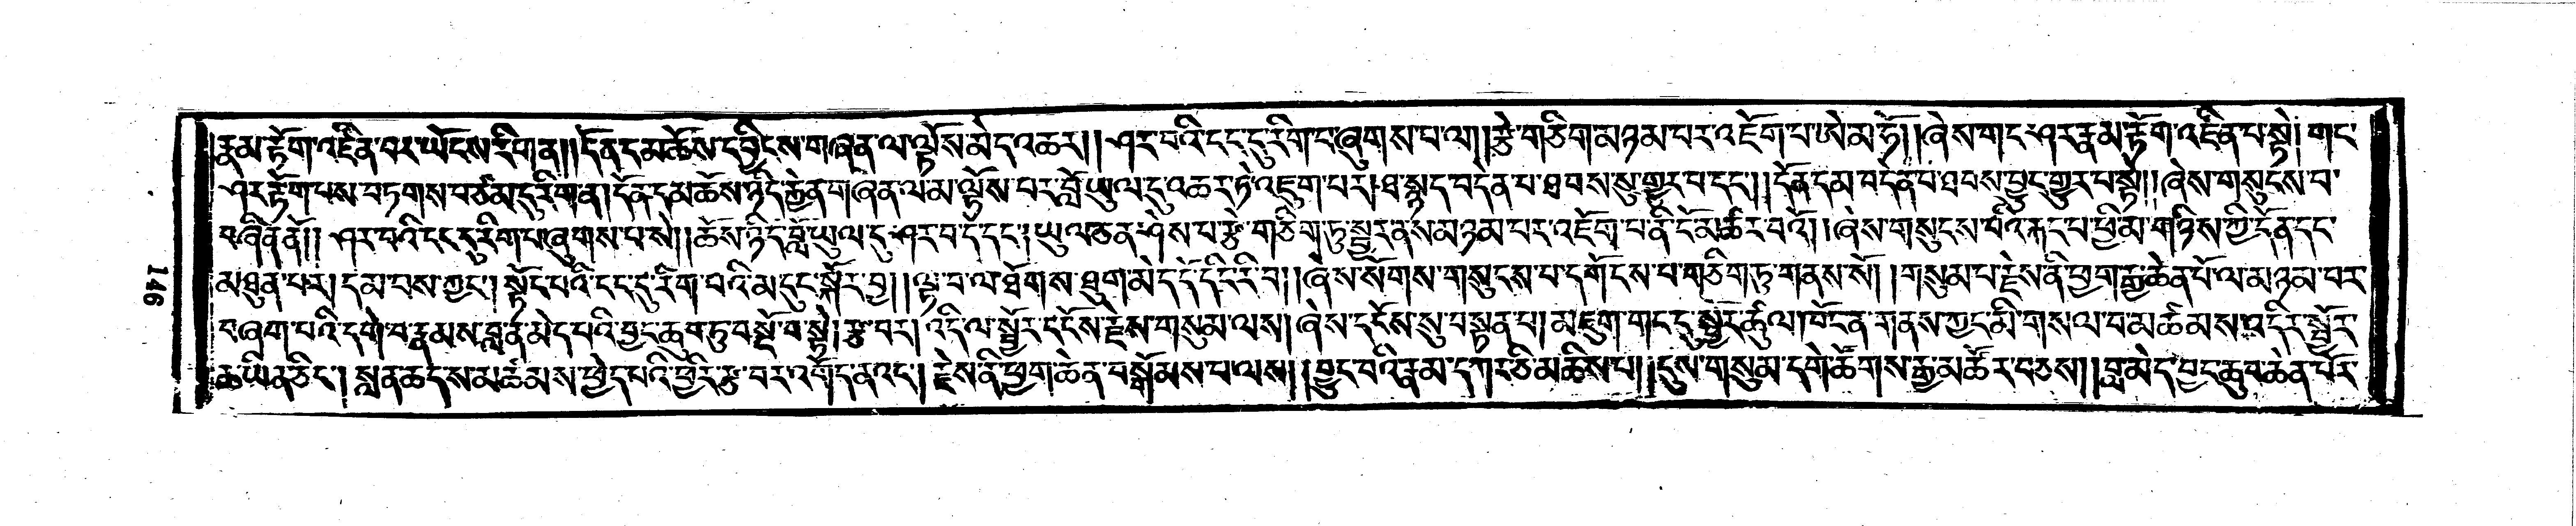རྣམ་རྟོག་འཛིན་པར་ཡོངས་རིག་ན། །དོན་དམ་ཆོས་དབྱིངས་གཞན་ལ་ལྟོས་མེད་འཆར། །ཤར་བའི་ངང་དུ་རིག་པ་ཞུགས་པ་ལ། །རྩེ་གཅིག་མཉམ་པར་འཇོག་པ་ཨེ་མ་ཧོ། །ཞེས་གང་ཤར་རྣམ་རྟོག་འཛིན་པ་སྟེ། གང་
ཤར་རྟོག་པས་བཏགས་པ་ཙམ་དུ་རིག་ན། དོན་དམ་ཆོས་ཉིད་རྐྱེན་གཞན་ལ་མ་ལྟོས་པར་བློ་ཡུལ་དུ་འཆར་ཏེ་འཇུག་པར། ཐ་སྙད་བདེན་པ་ཐབས་སུ་གྱུར་པ་དང་། །དོན་དམ་བདེན་པ་ཐབས་བྱུང་གྱུར་པ་སྟེ། །ཞེས་གསུངས་པ་
བཞིན་ནོ། །ཤར་བའི་ངང་དུ་རིག་པ་ཞུགས་པ་སྟེ། །ཆོས་ཉིད་བློ་ཡུལ་དུ་ཤར་བ་དེ་དང་། ཡུལ་ཅན་ཤེས་པ་རྩེ་གཅིག་ཏུ་སྦྱར་ནས་མཉམ་པར་འཇོག་པ་ནི་ངོ་མཚར་བའོ། །ཞེས་གསུངས་པའི་རྐང་པ་ཕྱི་མ་གཉིས་ཀྱི་དོན་དང་
མཐུན་པར། དམ་པས་ཀྱང་། སྟོང་པའི་ངང་དུ་རིག་པའི་མདུང་སྐོར་བྱ། །ལྟ་བ་ལ་ཐོགས་ཐུག་མེད་དོ་དིང་རི་བ། །ཞེས་སོགས་གསུངས་པ་དགོངས་པ་གཅིག་ཏུ་གནས་སོ། །གསུམ་པ་རྗེས་ནི་ཕྱག་རྒྱ་ཆེན་པོ་ལ་མཉམ་པར་
བཞག་པའི་དགེ་བ་རྣམས་བླ་ན་མེད་པའི་བྱང་ཆུབ་ཏུ་བསྔོ་བ་སྟེ། རྩ་བར། འདི་ལ་སྦྱོར་དངོས་རྗེས་གསུམ་ལས། ཞེས་དངོས་སུ་བསྟན་པ། མཇུག་གང་དུ་སྦྱོར་ཚུལ་ཁོང་ན་གནས་ཀྱང་མི་གསལ་བ་མཚམས་འདིར་སྦྱོར་
རྒྱུ་ཡིན་ཅིང་། སླན་ཆད་ས་མཚམས་ཕྱེད་པའི་ཕྱིར་རྩ་བར་འགོད་ནའང་། རྗེས་ནི་ཕྱག་ཆེན་བསྒོམས་པ་ལས། །བྱུང་བའི་རྣམ་དཀར་ཅི་མཆིས་པ། །དུས་གསུམ་དགེ་ཚོགས་རྒྱ་མཚོར་བཅས། །བླ་མེད་བྱང་ཆུབ་ཆེན་པོར་